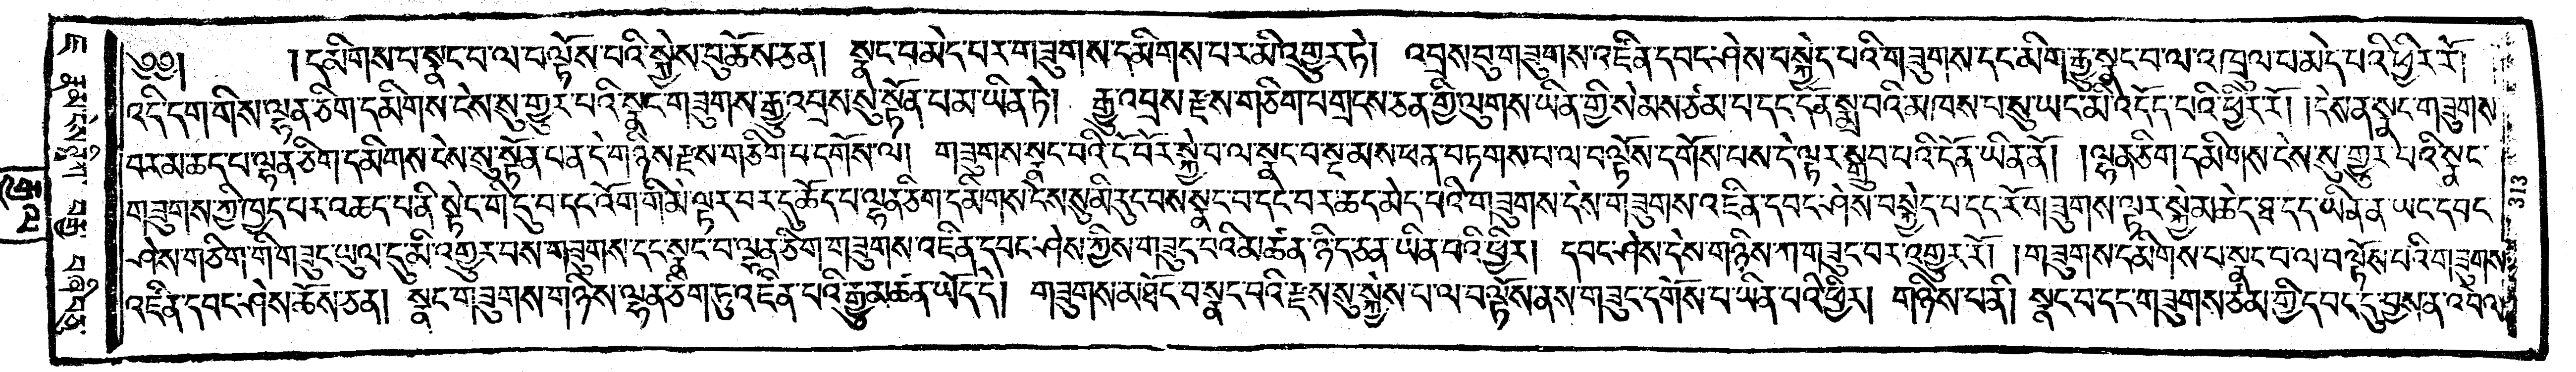༄༅། །དམིགས་པ་སྣང་བ་ལ་བལྟོས་པའི་སྐྱེས་བུ་ཆོས་ཅན། སྣང་བ་མེད་པར་གཟུགས་དམིགས་པར་མི་འགྱུར་ཏེ། འབྲས་བུ་གཟུགས་འཛིན་དབང་ཤེས་བསྐྱེད་པའི་གཟུགས་དང་མིག་རྒྱུ་སྣང་བ་ལ་འཁྲུལ་པ་མེད་པའི་ཕྱིར་རོ། །
འདི་དག་གིས་ལྷན་ཅིག་དམིགས་ངེས་སུ་གྱུར་པའི་སྣང་གཟུགས་རྒྱུ་འབྲས་སུ་སྟོན་པ་མ་ཡིན་ཏེ། རྒྱུ་འབྲས་རྫས་གཅིག་པ་གྲངས་ཅན་གྱི་ལུགས་ཡིན་གྱི་སེམས་ཙམ་པ་དང་དོན་སྨྲ་བའི་མཁས་པ་སུ་ཡང་མི་འདོད་པའི་ཕྱིར་རོ། །དེས་ན་སྣང་གཟུགས་
བར་མ་ཆད་པ་ལྷན་ཅིག་དམིགས་ངེས་སུ་སྟོན་པ་ན་དེ་གཉིས་རྫས་གཅིག་པ་དགོས་ལ། གཟུགས་སྣང་བའི་ངོ་བོར་སྐྱེ་བ་ལ་སྣང་བ་སྔ་མས་ཕན་བཏགས་པ་ལ་བལྟོས་དགོས་པས་དེ་ལྟར་སྒྲུབ་པའི་དོན་ཡིན་ནོ། །ལྷན་ཅིག་དམིགས་ངེས་སུ་གྱུར་པའི་སྣང་
གཟུགས་ཀྱི་ཁྱད་པར་འཆད་པ་ནི་སྟེང་གི་དུ་བ་དང་འོག་གི་མེ་ལྟར་བར་དུ་ཆོད་པ་ལྷན་ཅིག་དམིགས་ངེས་སུ་མི་རུང་བས་སྣང་བ་དང་བར་ཆད་མེད་པའི་གཟུགས་དེས་གཟུགས་འཛིན་དབང་ཤེས་བསྐྱེད་པ་དང་རོ་གཟུགས་ལྟར་སྐྱེ་མཆེད་ཐ་དད་ཡིན་ན་ཡང་དབང་
ཤེས་གཅིག་གི་གཟུང་ཡུལ་དུ་མི་འགྱུར་བས་གཟུགས་དང་སྣང་བ་ལྷན་ཅིག་གཟུགས་འཛིན་དབང་ཤེས་ཀྱིས་གཟུང་བའི་མཚན་ཉིད་ཅན་ཡིན་པའི་ཕྱིར། དབང་ཤེས་དེས་གཉིས་ཀ་གཟུང་བར་འགྱུར་རོ། །གཟུགས་དམིགས་པ་སྣང་བ་ལ་བལྟོས་པའི་གཟུགས་
འཛིན་དབང་ཤེས་ཆོས་ཅན། སྣང་གཟུགས་གཉིས་ལྷན་ཅིག་ཏུ་འཛིན་པའི་རྒྱུ་མཚན་ཡོད་དེ། གཟུགས་མཐོང་བ་སྣང་བའི་རྫས་སུ་སྐྱེས་པ་ལ་བལྟོས་ནས་གཟུང་དགོས་པ་ཡིན་པའི་ཕྱིར། གཉིས་པ་ནི། སྣང་བ་དང་གཟུགས་ཙམ་གྱི་དབང་དུ་བྱས་ན་འབྲེལ་